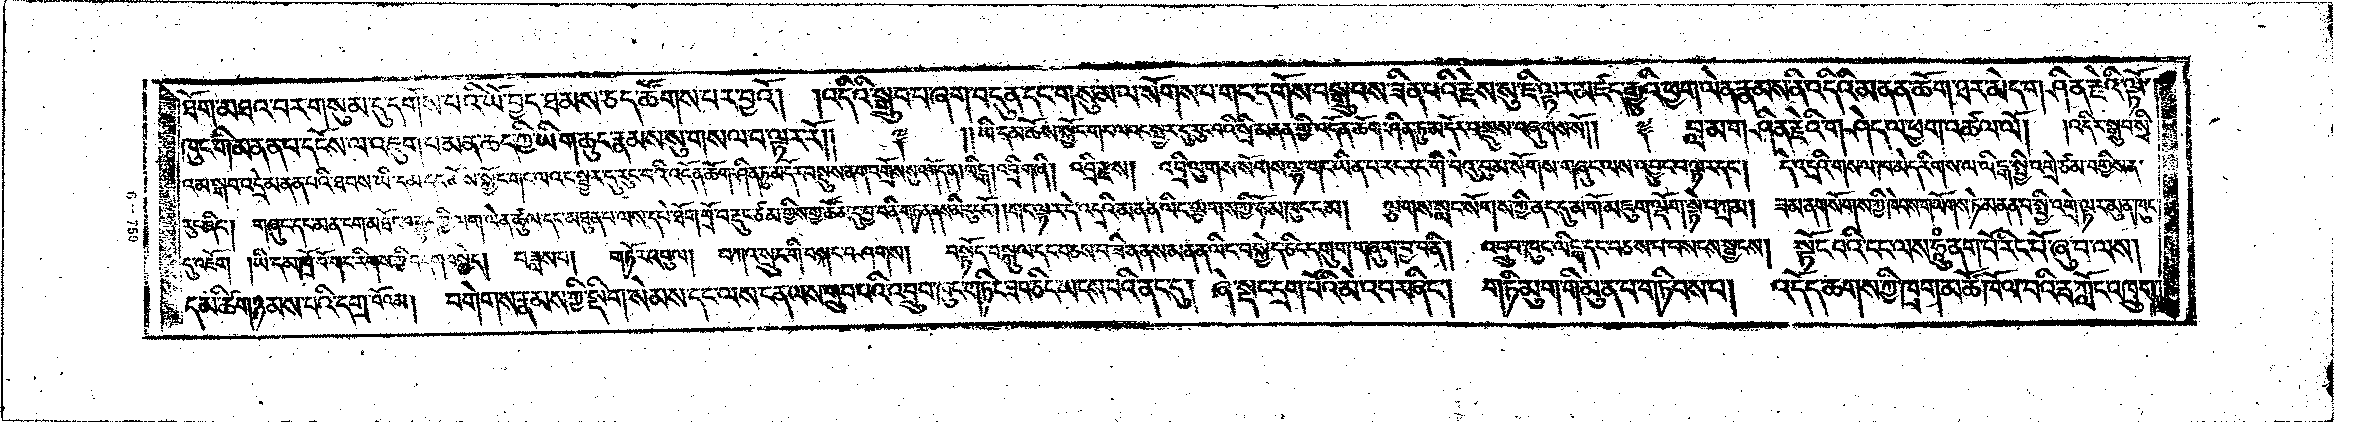ཐོག་མཐའ་བར་གསུམ་དུ་དགོས་པའི་ཡོ་བྱད་ཐམས་ཅད་ཚོགས་པར་བྱའོ། །འདིའི་སྒྲུབ་པ་ཞག་བདུན་དང་གསུམ་ལ་སོགས་པ་གང་དགོས་བསྒྲུབས་ཟིན་པའི་རྗེས་སུ་ཇི་ལྟར་མཛད་རྒྱུའི་ཕྱག་ལེན་རྣམས་ནི་འདིའི་མནན་ཆོག་ཐར་མེད་གཤིན་རྗེའི་ལྟོ་
ཁུང་གི་མནན་པ་དངོས་ལ་འཇུག་པ་མན་ཆད་ཀྱི་ཡིག་ཆུང་རྣམས་སུ་གསལ་བ་ལྟར་རོ།། ༈ །།ཡི་དམ་ཆོས་སྐྱོང་གང་ལའང་སྦྱར་དུ་རུང་བའི་སྲི་མནན་གྱི་འདོན་ཆོག་ཤིན་ཏུ་མདོར་བསྡུས་བཞུགས་སོ།།  ༈ བླ་མ་གཤིན་རྗེའི་གཤེད་ལ་ཕྱག་འཚལ་ལོ། །འདིར་སྒྲུབ་སྲི་
འམ་སྒབ་འདྲེ་མནན་པའི་ཐབས་ཡི་དམ་དང་ཆོས་སྐྱོང་གང་ལའང་སྦྱར་དུ་རུང་བའི་འདོན་ཆོག་ཤིན་ཏུ་མདོར་བསྡུས་ནག་འགྲོས་སུ་འགོད་ན། ལིངྒ། འབྲི་གཞི། འབྲི་རྫས། འབྲི་ལུགས་སོགས་ལྷ་གང་ཡིན་པ་རང་རང་གི་བེའུ་བུམ་སོགས་གཞུང་ལས་འབྱུང་བ་ལྟར་དང་། དེ་འདྲའི་གསལ་ཁ་མེད་རིགས་ལ་ལངྒི་སྤྱི་འགྲེ་ཙམ་བགྱིས་ན་
རུང་ཞིང་། གཞུང་དང་མན་ངག་མཐོང་བརྒྱུད་ཀྱི་ལག་ལེན་ཚུལ་དང་མཐུན་པ་ལས་དཔེ་ཐོག་ཕྲོ་བརྡུང་ཙམ་གྱིས་གྱ་ཚོམ་དུ་བྱ་བ་ནི་གཏན་ནས་མི་རུང་ངོ། །གང་ལྟར་དེ་འདྲའི་མནན་ཡིང་ལྕགས་ཀྱི་ཧོམ་ཁུང་ངམ། ལྕགས་སླང་སོགས་ཀྱི་ནང་དུ་མགོ་མཇུག་ལྡོག་སྟེ་བཀྲམ། ཟམ་ནག་སོགས་ཀྱི་ཁེབས་གཡོགས་ཏེ་མནན་བ་སྤྱི་འགྲེ་ལྟར་མུན་ཁུང་
དུ་འཇོག །ཡི་དམ་ཁྲོ་བོ་གང་རིགས་ཀྱི་བདག་བསྐྱེད། བཟླས་པ། གཏོར་འབུལ། བཀའ་སྲུང་གི་བསྐང་བཤགས། བསྟོད་བསྐུལ་དང་བཅས་པ་ཟིན་ནས་མནན་ལིང་བསྐྱེད་ཅིང་དགུག་གཞུག་བྱ་བ་ནི། འབྲུབ་ཁུང་ལིངྒ་དང་བཅས་པ་བསངས་སྦྱངས། སྟོང་པའི་ངང་ལས་ཧཱུཾ་ནག་པོ་རིང་པོ་ཞུ་བ་ལས།
དམ་ཚིག་ཉམས་པའི་དགྲ་བོའམ། བགེགས་རྣམས་ཀྱི་སྡིག་སེམས་དང་ལས་ངན་ལས་གྲུབ་པའི་འབྲུབ་ཁུང་གཏིང་ཟབ་ཅིང་ཡངས་པའི་ནང་དུ། ཞེ་སྡང་དྲག་པོའི་མེ་འབར་ཞིང་། གཏི་མུག་གི་མུན་པ་གཏིབས་པ། འདོད་ཆགས་ཀྱི་ཁྲག་མཚོ་ཁོལ་བའི་རྦ་ཀློང་འཁྲུག་